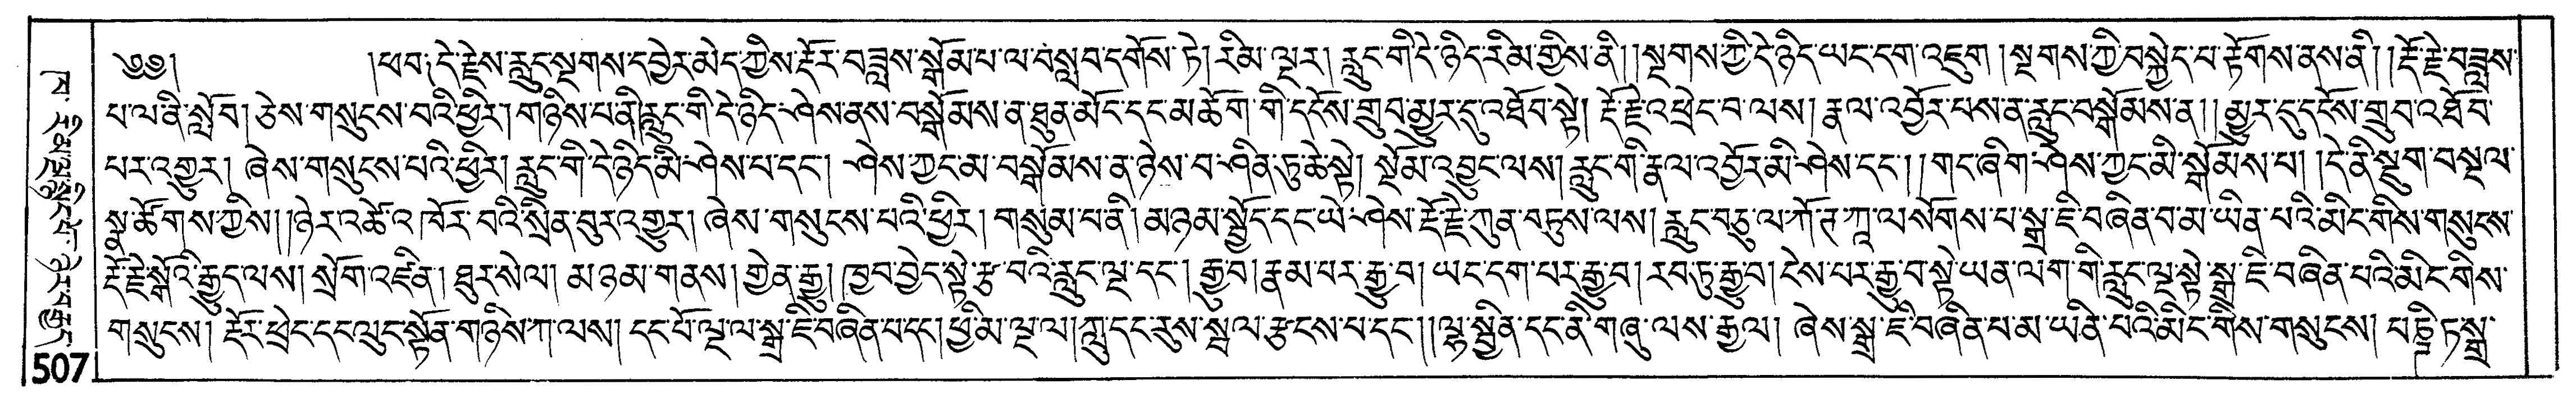༄༅། །ཕབ༑ དེ་རྗེས་རླུང་སྔགས་དབྱེར་མེད་ཀྱིས་རྡོར་བཟླས་སྒོམ་པ་ལ་བསླབ་དགོས་ཏེ། རིམ་ལྔར། རླུང་གི་དེ་ཉིད་རིམ་གྱིས་ནི། །སྔགས་ཀྱི་དེ་ཉིད་ཡང་དག་འཇུག །སྔགས་ཀྱི་བསྐྱེད་པ་རྟོགས་ནས་ནི། །རྡོ་རྗེ་བཟླས་
པ་ལ་ནི་སློབ། ཅེས་གསུངས་པའི་ཕྱིར། གཉིས་པ་ནི། རླུང་གི་དེ་ཉིད་ཤེས་ནས་བསྒོམས་ན་ཐུན་མོང་དང་མཆོག་གི་དངོས་གྲུབ་མྱུར་དུ་འཐོབ་སྟེ། རྡོ་རྗེ་འཕྲེང་བ་ལས། རྣལ་འབྱོར་པས་ན་རླུང་བསྒོམས་ན། །མྱུར་དུ་དངོས་གྲུབ་འཐོབ་
པར་འགྱུར། ཞེས་གསུངས་པའི་ཕྱིར། རླུང་གི་དེ་ཉིད་མི་ཤེས་པ་དང་། ཤེས་ཀྱང་མ་བསྒོམས་ན་ཉེས་བ་ཤིན་ཏུ་ཆེ་སྟེ། སྡོམ་འབྱུང་ལས། རླུང་གི་རྣལ་འབྱོར་མི་ཤེས་དང་། །གང་ཞིག་ཤེས་ཀྱང་མི་སྒོམས་པ། །དེ་ནི་སྡུག་བསྔལ་
སྣ་ཚོགས་ཀྱིས། །ཉེར་འཚེ་འཁོར་བའི་སྲིན་བུར་འགྱུར། ཞེས་གསུངས་པའི་ཕྱིར། གསུམ་པ་ནི། མཉམ་སྤྱོད་དང་ཡེ་ཤེས་རྡོ་རྗེ་ཀུན་བཏུས་ལས། རླུང་བཅུ་ལ་ཀོ་ཊ་ཀཱ་ལ་སོགས་པ་སྒྲ་ཇི་བཞིན་བ་མ་ཡིན་པའི་མིང་གིས་གསུངས་
རྡོ་རྗེ་སྒོའི་རྒྱུད་ལས། སྲོག་འཛིན། ཐུར་སེལ། མཉམ་གནས། གྱེན་རྒྱུ། ཁྱབ་བྱེད་སྟེ་རྩ་བའི་རླུང་ལྔ་དང་། རྒྱུ་བ། རྣམ་པར་རྒྱུ་བ། ཡང་དག་པར་རྒྱུ་བ། རབ་ཏུ་རྒྱུ་བ། ངེས་པར་རྒྱུ་བ་སྟེ་ཡན་ལག་གི་རླུང་ལྔ་སྟེ་སྒྲ་ཇི་བཞིན་པའི་མིང་གིས་
གསུངས། རྡོར་ཕྲེང་དང་ལུང་སྟོན་གཉིས་ཀ་ལས། དང་པོ་ལྔ་ལ་སྒྲ་ཇི་བཞིན་པ་དང་། ཕྱི་མ་ལྔ་ལ། ཀླུ་དང་རུས་སྦལ་རྩངས་པ་དང་། །ལྷ་སྦྱིན་དང་ནི་གཞུ་ལས་རྒྱལ། ཞེས་སྒྲ་ཇི་བཞིན་པ་མ་ཡིན་པའི་མིང་གིས་གསུངས། པཎྜི་ཏ་སྒྲ་